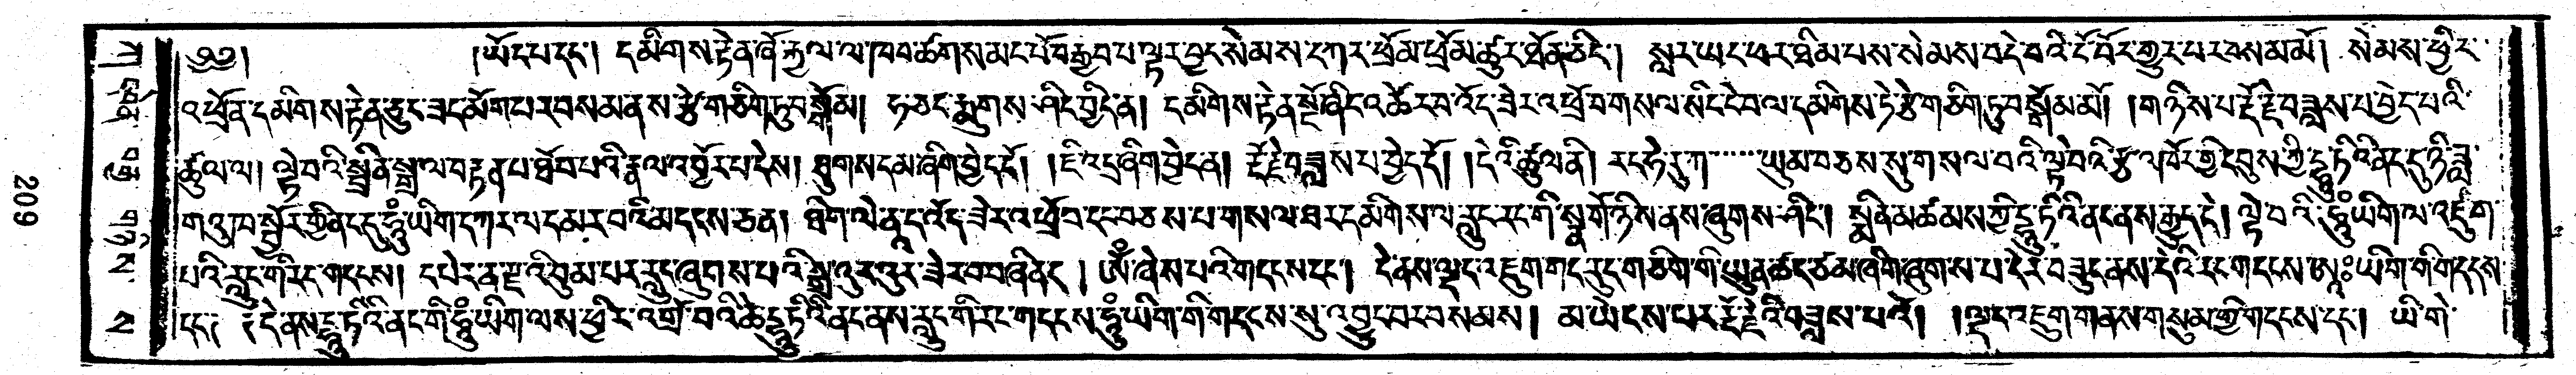༄༅། །ཡོད་པ་དང་། དམིགས་རྟེན་ཞོ་རྐྱལ་ལ་ཁབ་ཚགས་མང་པོ་བརྒྱབ་པ་ལྟར་བྱང་སེམས་དཀར་ཕྲོམ་ཕྲོམ་ཚུར་ཐོན་ཅིང་། སླར་ཡང་ཕར་ཐིམ་པས་སེམས་བདེ་བའི་ངོ་བོར་གྱུར་པར་བསམ་མོ། སེམས་ཕྱིར་
འཕྲོ་ན་དམིགས་རྟེན་ཅུང་ཟད་མོག་པར་བསམ་ནས་རྩེ་གཅིག་ཏུ་བསྒོམ། ཧ་ཅང་རྨུགས་ཤིང་བྱིད་ན། དམིགས་རྟེན་སྔོ་ཞིང་འཚེ་རབ་འོད་ཟེར་འཕྲོ་བ་གསལ་སིང་ངེ་བ་ལ་དམིགས་ཏེ་རྩེ་གཅིག་ཏུ་བསྒོམ་མོ། །གཉིས་པ་རྡོ་རྗེ་བཟླས་པ་བྱེད་པའི་
ཚུལ་ལ། ལྟེ་བའི་སྦྲིན་སྒྲ་ལ་བརྟན་པ་ཐོབ་པའི་རྣལ་འབྱོར་པ་དེས། ཐུགས་དམ་ཞིག་བྱེད་དོ། །ཇི་འདྲ་ཞིག་བྱེད་ན། རྡོ་རྗེ་བཟླས་པ་བྱེད་དོ། །དེའི་ཚུལ་ནི། རང་ཧེ་རུ་ཀ་ཡུམ་བཅས་སུ་གསལ་བའི་ལྟེ་བའི་རྩ་འཁོར་གྱི་དབུས་ཀྱི་དྷཱུ་ཏིའི་ནང་དུ་ཉི་ཟླ་
གའུ་ཁ་སྦྱོར་གྱི་ནང་དུ་ཧཱུཾ་ཡིག་དཀར་ལ་དམར་བའི་མདངས་ཅན། ཐིག་ལེ་ནཱ་ད་འོད་ཟེར་འཕྲོ་བ་དང་བཅས་པ་གསལ་ཐར་དམིགས་ལ་རླུང་རང་གི་སྣ་གོ་ཉིས་ནས་ཞུགས་ཤིང་། སྨིན་མཚམས་ཀྱི་དྷཱུ་ཏིའི་ནང་ནས་རྒྱུད་དེ། ལྟེ་བའི་ཧཱུཾ་ཡིག་ལ་འཛུག་
པའི་རླུང་གི་རང་གདངས། དཔེར་ན་རྫའི་བུམ་པར་རླུང་ཞུགས་པའི་སྒྲ་འུར་འུར་ཟེར་བ་བཞིན་དང་། ཨོཾ་ཞེས་པའི་གདངས་དང་། དེ་ནས་ལྡང་འཇུག་གང་རུང་གཅིག་གི་ཡུན་ཚད་ཙམ་ཞིག་ཞུགས་པ་དེར་བཟུང་ནས་དེའི་རང་གདངས་ཨཱཿ ཡིག་གི་གདངས་
དང༑ ༑དེ་ནས་དྷཱུ་ཏིའི་ནང་གི་ཧཱུཾ་ཡིག་ལས་ཕྱིར་འགྲོ་བའི་ཆེ་དྷཱུ་ཏིའི་ནང་ནས་རླུང་གི་རང་གདངས་ཧཱུཾ་ཡིག་གི་གདངས་སུ་འབྱུང་བར་བསམས། མ་ཡེངས་པར་རྡོ་རྗེའི་བཟླས་པའོ། །ལྡང་འཇུག་གནས་གསུམ་གྱི་གདངས་དང་། ཡི་གེ་